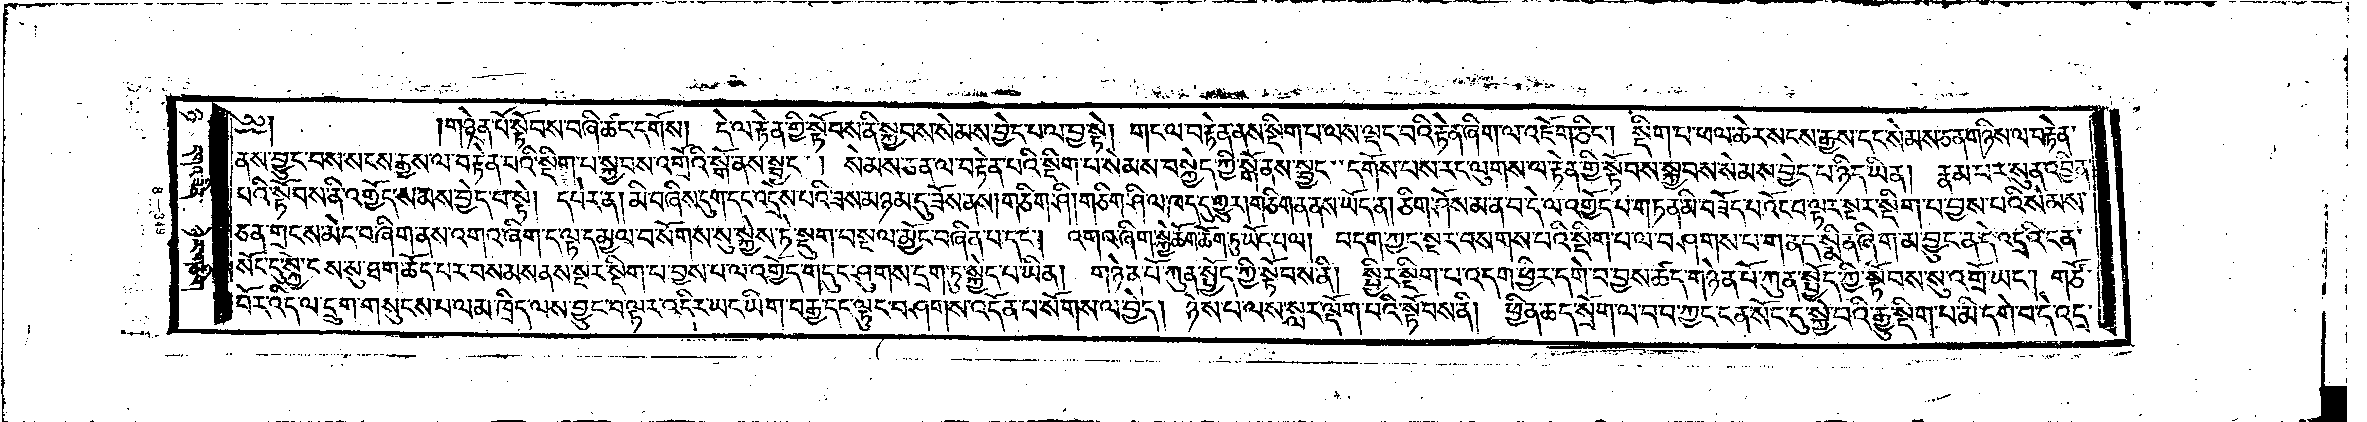༄༅། །གཉེན་པོ་སྟོབས་བཞི་ཚང་དགོས། དེ་ལ་རྟེན་གྱི་སྟོབས་ནི་སྐྱབས་སེམས་བྱེད་པ་ལ་བྱ་སྟེ། གང་ལ་བརྟེན་ནས་སྡིག་པ་ལས་ལྡང་པའི་རྟེན་ཞིག་ལ་འཇོག་ཅིང་། སྡིག་པ་ཕལ་ཆེར་སངས་རྒྱས་དང་སེམས་ཅན་གཉིས་ལ་བརྟེན་
ནས་བྱུང་བས་སངས་རྒྱས་ལ་བརྟེན་པའི་སྡིག་པ་སྐྱབས་འགྲོའི་སྒོ་ནས་སྦྱང་། སེམས་ཅན་ལ་བརྟེན་པའི་སྡིག་པ་སེམས་བསྐྱེད་ཀྱི་སྒོ་ནས་སྦྱང་དགོས་པས་རང་ལུགས་ལ་རྟེན་གྱི་སྟོབས་སྐྱབས་སེམས་བྱེད་པ་ཉིད་ཡིན། རྣམ་པར་སུན་འབྱིན་
པའི་སྟོབས་ནི་འགྱོད་སེམས་བྱེད་པ་སྟེ། དཔེར་ན། མི་བཞིས་དུག་དང་འདྲེས་པའི་ཟས་མཉམ་དུ་ཟོས་ནས། གཅིག་ཤི། གཅིག་ཤི་ལ་ཁད་དུ་གྱུར། གཅིག་ན་ནས་ཡོད་ན། ཅིག་ཤོས་མ་ན་པ་དེ་ལ་འགྱོད་པ་གཏན་མི་བཟོད་པ་འོང་བ་ལྟར་སྔར་སྡིག་པ་བྱས་པའི་སེམས་
ཅན་གྲངས་མེད་པ་ཞིག་ནས་འགའ་ཞིག་ད་ལྟར་མྱལ་བ་སོགས་སུ་སྐྱེས་ཏེ་སྡུག་བསྔལ་མྱོང་བཞིན་པ་དང་། འགའ་ཞིག་སྐྱེ་ཆོག་ཆོག་ཏུ་ཡོད་པ་ལ། བདག་ཀྱང་སྔར་བསགས་པའི་སྡིག་པ་ལ་བཤགས་པ་གནད་སྨིན་ཞིག་མ་བྱུང་ན་དེ་འདྲའི་ངན་
སོང་དུ་སྐྱེ་ངེས་སུ་ཐག་ཆོད་པར་བསམས་ནས་སྔར་སྡིག་པ་བྱས་པ་ལ་འགྱོད་གདུང་ཤུགས་དྲག་ཏུ་སྐྱེད་པ་ཡིན། གཉེན་པོ་ཀུན་སྤྱོད་ཀྱི་སྟོབས་ནི། སྤྱིར་སྡིག་པ་འདག་ཕྱིར་དགེ་བ་བྱས་ཚད་གཉེན་པོ་ཀུན་སྤྱོད་ཀྱི་སྟོབས་སུ་འགྲོ་ཡང་། གཙོ་
བོར་འདི་ལ་དྲུག་གསུངས་པ་ལམ་ཁྲིད་ལས་བྱུང་བ་ལྟར་འདིར་ཡང་ཡིག་བརྒྱ་དང་ལྟུང་བཤགས་འདོན་པ་སོགས་ལ་བྱེད། ཉེས་པ་ལས་སླར་ལྡོག་པའི་སྟོབས་ནི། ཕྱིན་ཆད་སྲོག་ལ་བབ་ཀྱང་ངན་སོང་དུ་སྐྱེ་བའི་རྒྱུ་སྡིག་པ་མི་དགེ་བ་དེ་འདྲ་